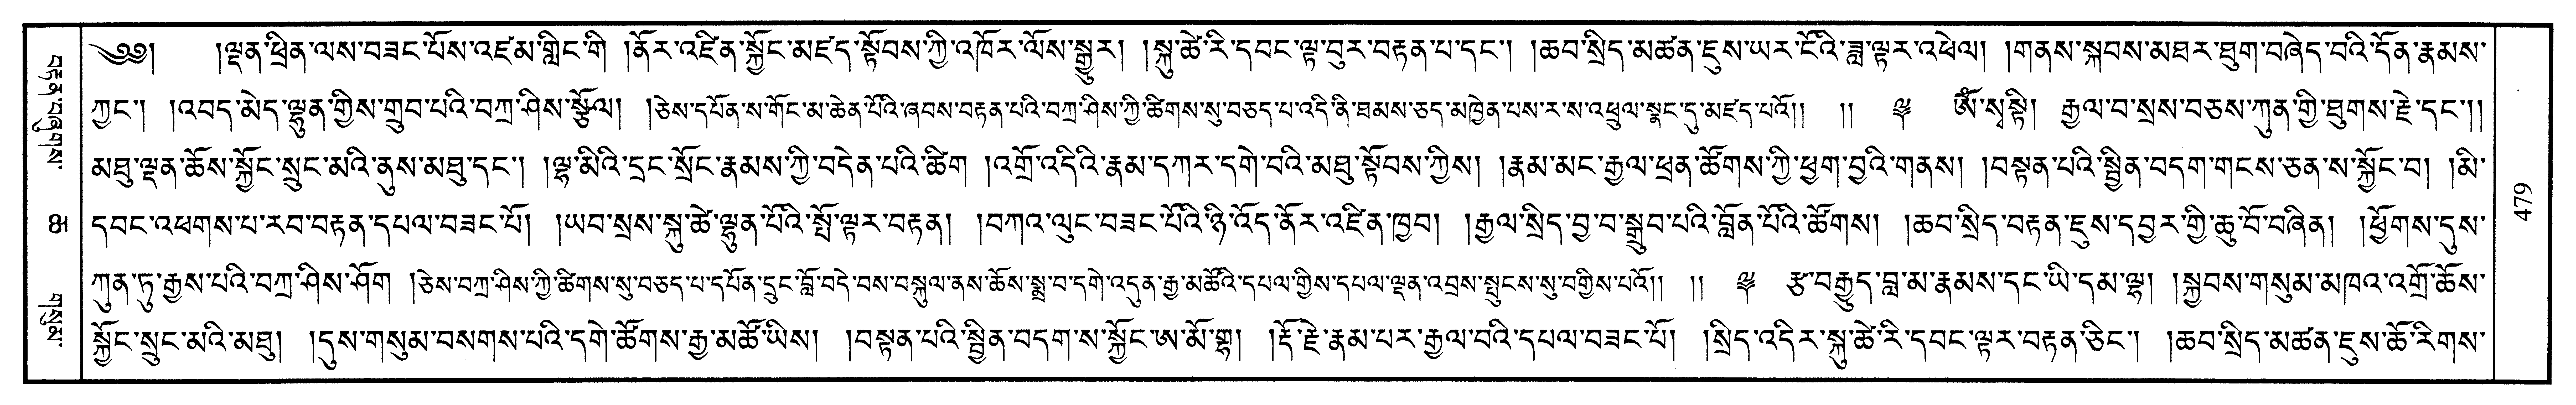༄༅། །ལྡན་ཕྲིན་ལས་བཟང་པོས་འཛམ་གླིང་གི །ནོར་འཛིན་སྐྱོང་མཛད་སྟོབས་ཀྱི་འཁོར་ལོས་སྒྱུར། །སྐུ་ཚེ་རི་དབང་ལྟ་བུར་བརྟན་པ་དང་། །ཆབ་སྲིད་མཚན་ཇུས་ཡར་ངོའི་ཟླ་ལྟར་འཕེལ། །གནས་སྐབས་མཐར་ཐུག་བཞེད་པའི་དོན་རྣམས་
ཀྱང་། །འབད་མེད་ལྷུན་གྱིས་གྲུབ་པའི་བཀྲ་ཤིས་སྩོལ། །ཅེས་དཔོན་ས་གོང་མ་ཆེན་པོའི་ཞབས་བརྟན་པའི་བཀྲ་ཤིས་ཀྱི་ཚིགས་སུ་བཅད་པ་འདི་ནི་ཐམས་ཅད་མཁྱེན་པས་ར་ས་འཕྲུལ་སྣང་དུ་མཛད་པའོ།། །། ༈ ཨོཾ་སྭ་སྟི། རྒྱལ་བ་སྲས་བཅས་ཀུན་གྱི་ཐུགས་རྗེ་དང།།
མཐུ་ལྡན་ཆོས་སྐྱོང་སྲུང་མའི་ནུས་མཐུ་དང་། །ལྷ་མིའི་དྲང་སྲོང་རྣམས་ཀྱི་བདེན་པའི་ཚིག །འགྲོ་འདིའི་རྣམ་དཀར་དགེ་བའི་མཐུ་སྟོབས་ཀྱིས། །རྣམ་མང་རྒྱལ་ཕྲན་ཚོགས་ཀྱི་ཕྱག་བྱའི་གནས། །བསྟན་པའི་སྦྱིན་བདག་གངས་ཅན་ས་སྐྱོང་བ། །མི་
དབང་འཕགས་པ་རབ་བརྟན་དཔལ་བཟང་པོ། །ཡབ་སྲས་སྐུ་ཚེ་ལྷུན་པོའི་སྤོ་ལྟར་བརྟན། །བཀའ་ལུང་བཟང་པོའི་ཉི་འོད་ནོར་འཛིན་ཁྱབ། །རྒྱལ་སྲིད་བྱ་བ་སྒྲུབ་པའི་བློན་པོའི་ཚོགས། །ཆབ་སྲིད་བརྟན་ཇུས་དབྱར་གྱི་ཆུ་བོ་བཞིན། །ཕྱོགས་དུས་
ཀུན་ཏུ་རྒྱས་པའི་བཀྲ་ཤིས་ཤོག །ཅེས་བཀྲ་ཤིས་ཀྱི་ཚིགས་སུ་བཅད་པ་དཔོན་དྲུང་བློ་བདེ་བས་བསྐུལ་ནས་ཆོས་སྨྲ་བ་དགེ་འདུན་རྒྱ་མཚོའི་དཔལ་གྱིས་དཔལ་ལྡན་འབྲས་སྤུངས་སུ་བགྱིས་པའོ།། །། ༈ རྩ་བརྒྱུད་བླ་མ་རྣམས་དང་ཡི་དམ་ལྷ། །སྐྱབས་གསུམ་མཁའ་འགྲོ་ཆོས་
སྐྱོང་སྲུང་མའི་མཐུ། །དུས་གསུམ་བསགས་པའི་དགེ་ཚོགས་རྒྱ་མཚོ་ཡིས། །བསྟན་པའི་སྦྱིན་བདག་ས་སྐྱོང་ཨ་མོ་གྷ། །རྡོ་རྗེ་རྣམ་པར་རྒྱལ་བའི་དཔལ་བཟང་པོ། །སྲིད་འདིར་སྐུ་ཚེ་རི་དབང་ལྟར་བརྟན་ཅིང་། །ཆབ་སྲིད་མཚན་ཇུས་ཆོ་རིགས་